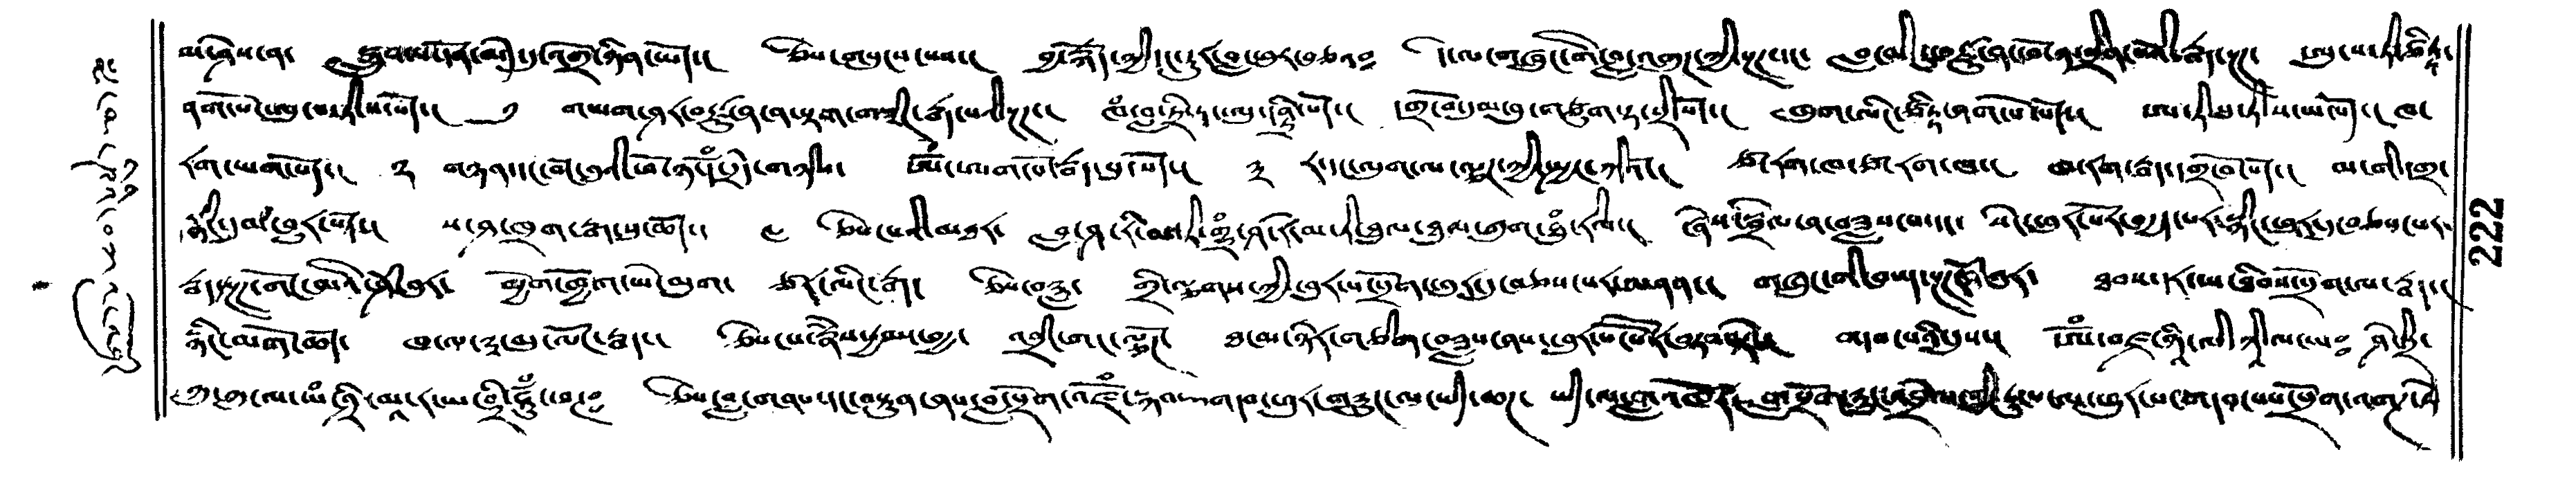མ་ཤེས་ན། སྒྲུབ་པ་དོན་མེད་དུ་འགྲོ་ཉེན་ཡོད། ཅེས་གསུངས་པས། བྱ་རྒོད་གྱི་དང་རུར་བླ་ཕུར་བཅའ། དེ་ལ་གཞུང་གི་བླ་འགུགས་ཀྱི་སྔགས་དང་། བླ་མི་རུ་བརྫུ་ན་ཕོ་ཉ་སྲིན་པོའི་རྦད་སྔགས། ཨུ་པ་ཏི་ཙིཏྟ་
ནག་པོ་ཨུ་པ་ཏི་ས་སོདཿ གཡག་ཤར་བརྫུ་ན་སྟག་གཟིག་རྦད་པའི་སྔགས། ཁཾ་བླ་ཏྲི་ཏ་ཨུ་དནྟྲི་སོད། དགྲ་བོ་དུམ་བུ་གཙུག་ཏ་སྲི་སོདཿ ཁུག་ལིང་ཙིཏྟ་ནག་པོ་སོདཿ ཨ་ཏི་ཐ་ཏི་པ་ཡ་སོདཿ ཁ་
རག་ཡག་སོདཿགཉན་དང་བོང་བུའི་ཕོ་ཉ་དོམ་དྲེད་གཉིས། ཨོཾ་ཨག་པོ་རྦད་སུ་སོདཿ ར་དང་ལུག་ལ་ལྕགས་ཀྱི་སྤྱང་ཀིའོ། ཙ་རག་ཁ་རྩ་རག་ཁཿ ཁ་རག་རྦད་དགྲ་བོ་སོདཿ མ་གི་དགྲ་
སྙིང་དུམ་བུར་སོདཿ ས་ཤ་ཁྲག་རྦད་སུ་ཆོདཿ ཅེས་པའི་མཐར། བླ་ཤ་རི་མ་ཏི་གྷྲཾ་ཤ་རོ་མ་ཏི་ཐུལ་ཐུལ་གུག་ཐུཾ་རིལཿ ཞེས་སྦྲེལ་ནས་བཟླས་པ་དང་། སེང་ཕུར་སོར་བརྒྱད་པ་སྙིང་ཕུར་དུ་བཅས་པར་
རྦད་སྔགས་གོང་མའི་ཤམ་བུར། མྱོག་མྱོག་ཡེ་མུགཿ ཙར་ལིང་རྦདཿ ཅེས་བཟླ། གྲི་ལྕགས་ཀྱི་ཕུར་པ་སྲོག་ཕུར་དུ་བཅས་པར་མནན། གཞུང་གི་བསད་སྔགས་ཤམ་བུར། ཐབས་དར་ཡ་ཐིབས་སྲོག་ལ་རྦདཿ 
སྙིང་མགོ་ཆོདཿ ཁ་ལ་ཟ་མུ་ལོང་རྦདཿ ཅེས་པ་རྣམས་རྒྱས་པར་བརྒྱ། འབྲིང་གང་ལྕོགས། ཐ་མ་ཉེར་གཅིག་བཟླས་ནས་ཕུར་པ་སོ་སོར་བཏབ་སྟེ། གདབ་པའི་དུས། ཨོཾ་བཛྲ་ཀཱི་ལ་ཀཱི་ལ་ཡཿ ཤེ་ཏྲི་
ཀུ་ཀུ་ལ་ཡཾ་ཤྲི་མཱ་ར་ཡ་ཤྲི་ཧཱུྂ་ཕཊཿ ཅེས་བླ་གནས་དང་བསྟུན་ནས་བླ་སྲོག་འཛོམ་སྐབས་གདབ་ཕུར་གཟུགས་ལ་ཡིད་ཆགས་ཡིད་ལ་བླ་འཁོར་བླ་སྲོག་ཟུང་འབྲེལ་གྱི་རུ་པ་ལ་ཕུར་པ་གདབ་པས་སྲོག་འགགས་ཏེ་